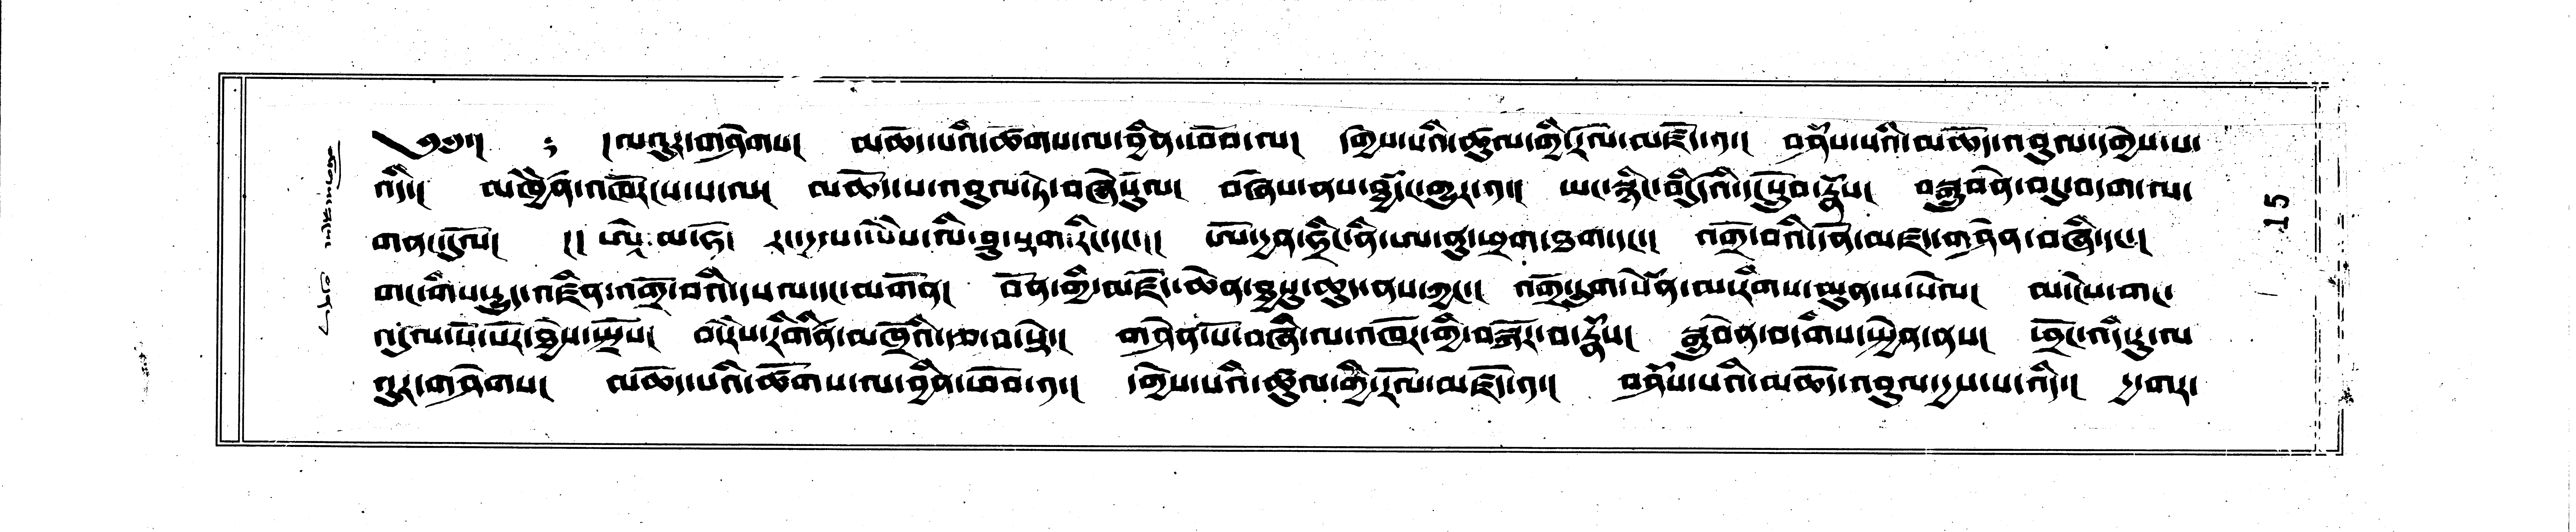ལའུར་གཤེགས། མཆོད་པའི་ཚོགས་ལ་བྱིན་ཕོབ་ལ། དགྱེས་པའི་ཚུལ་གྱིས་རོལ་མཛོད་ཅིག བཤམས་པའི་མཆོད་འབུལ་དགྱེས་པ་
འདི། མཁྱེན་བརྩེ་འཁོར་དང་བཅས་པ་ལ། མཆོད་པ་འབུལ་ཏེ་བཞེས་སུ་གསོལ། བཞེས་ནས་ཐུགས་དམ་བསྐང་གྱུར་ཅིག ཡང་སྙིང་བདུད་རྩིའི་དངོས་གྲུབ་རྣམས། བསྒྲུབ་ཆེན་བདག་ལ་
གནང་དུ་གསོལ། །།ཨེ་མ་ཧོ། རང་རྒྱལ་ཡེ་ཤེས་ལི་ཤུ་སྟག་རིང་དང་། ཨོ་རྒྱན་ཧྲིང་ནི་ཨ་ནུ་ཕྲག་ཐག་དང་། འགྲོ་བའི་དོན་མཛད་གཤེན་བཞི་དང་། 
གང་གིས་རྒྱུད་འཛིན་འགྲོ་བའི་དཔལ་དང་མགོན། བོན་གྱི་མཛོད་ཆེན་ཐུགས་སུ་ཆུད་ནས་ཀྱང་། འགྲོ་དྲུག་སེམས་ཅན་མ་རིག་མུན་པ་སེལ། མ་ངེས་གང་
འདུལ་སོ་སོར་ཐུགས་རྗེ་སྤྲོས། བདེར་གཤེགས་རིག་འཛིན་མཁའ་འགྲོའི་རྩ་བ་སྟེ། གཤེན་པོ་བཞི་ལ་འཁོར་གྱི་བསྐོར་བ་རྣམས། སྒྲུབ་ཆེན་བདག་གིས་སྤྱན་འདྲེན་ནས། ཕོ་བྲང་འདི་རུ་ལ་
འུར་གཤེགས། མཆོད་པའི་ཚོགས་ལ་བྱིན་ཕོབ་ཅིག དགྱེས་པའི་ཚུལ་གྱིས་རོལ་མཛོད་ཅིག བཤམས་པའི་མཆོད་འབུལ་རྒྱས་པ་འདི། རྒྱ་གར་